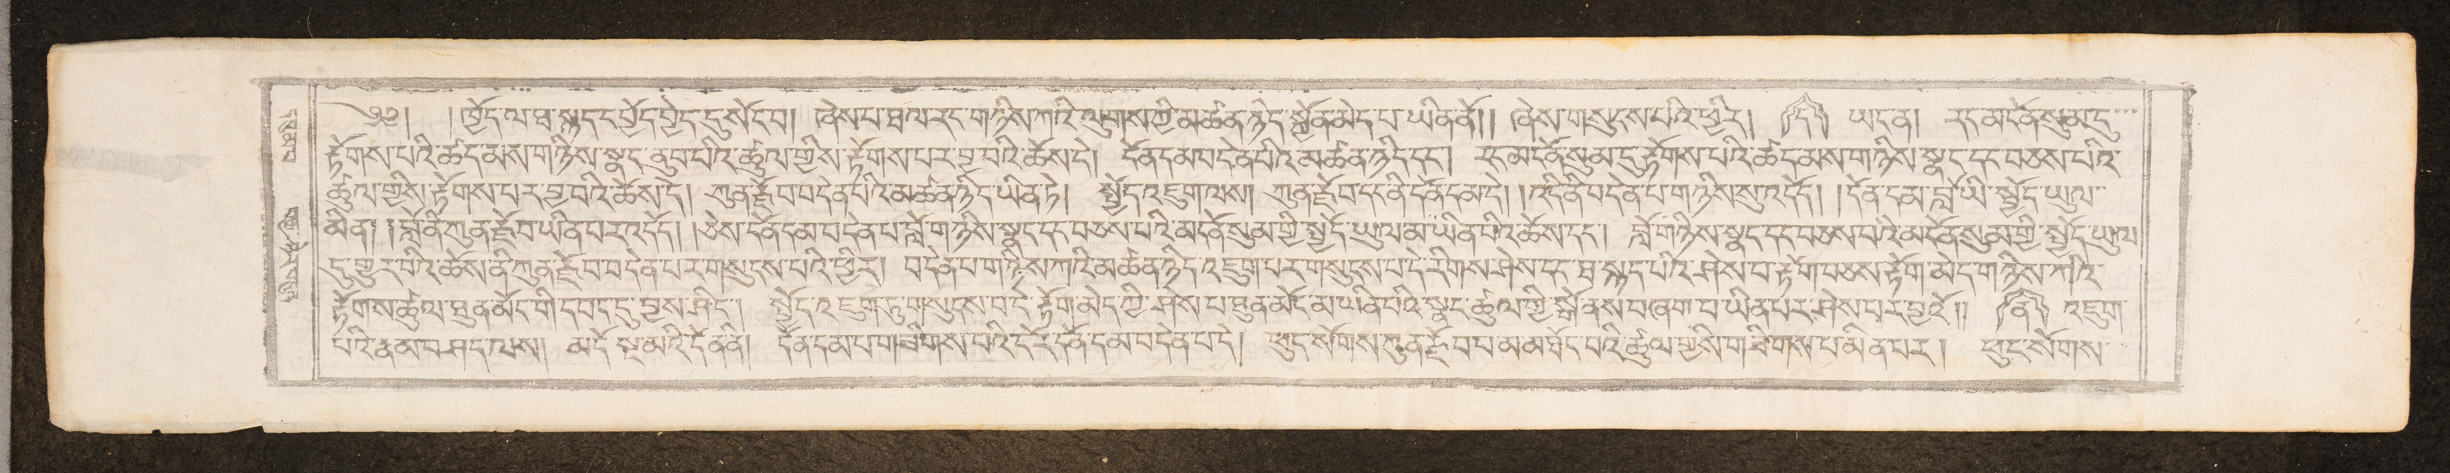༄༅། །ཁྱོད་ལ་ཐ་སྙད་དཔྱོད་བྱེད་དུ་སོང་བ། །ཞེས་པ་ཐལ་རང་གཉིས་ཀའི་ལུགས་ཀྱི་མཚན་ཉིད་སྐྱོན་མེད་པ་ཡིན་ནོ། །ཞེས་གསུངས་པའི་ཕྱིར། ༼༽ད༼༽ ཡང་ན། རང་མངོན་སུམ་དུ་
རྟོགས་པའི་ཚད་མས་གཉིས་སྣང་ནུབ་པའི་ཚུལ་གྱིས་རྟོགས་པར་བྱ་བའི་ཆོས་དེ། དོན་དམ་བདེན་པའི་མཚན་ཉིད་དང་། རང་མངོན་སུམ་དུ་རྟོགས་པའི་ཚད་མས་གཉིས་སྣང་དང་བཅས་པའི་
ཚུལ་གྱིས་རྟོགས་པར་བྱ་བའི་ཆོས་དེ། ཀུན་རྫོབ་བདེན་པའི་མཚན་ཉིད་ཡིན་ཏེ། སྤྱོད་འཇུག་ལས། ཀུན་རྫོབ་དང་ནི་དོན་དམ་དེ། །འདི་ནི་བདེན་པ་གཉིས་སུ་འདོད། །དོན་དམ་བློ་ཡི་སྤྱོད་ཡུལ་
མིན༑ །བློ་ནི་ཀུན་རྫོབ་ཡིན་པར་འདོད། །ཅེས་དོན་དམ་བདེན་པ་བློ་གཉིས་སྣང་དང་བཅས་པའི་མངོན་སུམ་གྱི་སྤྱོད་ཡུལ་མ་ཡིན་པའི་ཆོས་དང་། བློ་གཉིས་སྣང་དང་བཅས་པའི་མངོན་སུམ་གྱི་སྤྱོད་ཡུལ་
དུ་གྱུར་བའི་ཆོས་ནི་ཀུན་རྫོབ་བདེན་པར་གསུངས་པའི་ཕྱིར། བདེན་པ་གཉིས་ཀའི་མཚན་ཉིད་འཇུག་པར་གསུངས་པ་དེ་རིགས་ཤེས་དང་ཐ་སྙད་པའི་ཤེས་པ་རྟོག་བཅས་རྟོག་མེད་གཉིས་ཀའི་
རྟོགས་ཚུལ་ཐུན་མོང་གི་དབང་དུ་བྱས་ཤིང་། སྤྱོད་འཇུག་ཏུ་གསུངས་པ་དེ་རྟོགས་མེད་ཀྱི་ཤེས་པ་ཐུན་མོང་མ་ཡིན་པའི་སྣན་ཚུལ་གྱི་སྒོ་ནས་བཞག་པ་ཡིན་པར་ཤེས་པར་བྱའོ།། ༼༽ན༼༽ འཇུག་
པའི་རྣམ་བཤད་ལས། མདོ་སྔ་མའི་དོན་ནི། དོན་དམ་པ་གཟིགས་པའི་ངོར་དོན་དམ་བདེན་པ་དེ། ཕུད་སོགས་ཀུན་རྫོབ་པ་མ་མཐོང་བའི་ཚུལ་གྱིས་གཟིགས་པ་མིན་པར། ཕུང་སོགས་